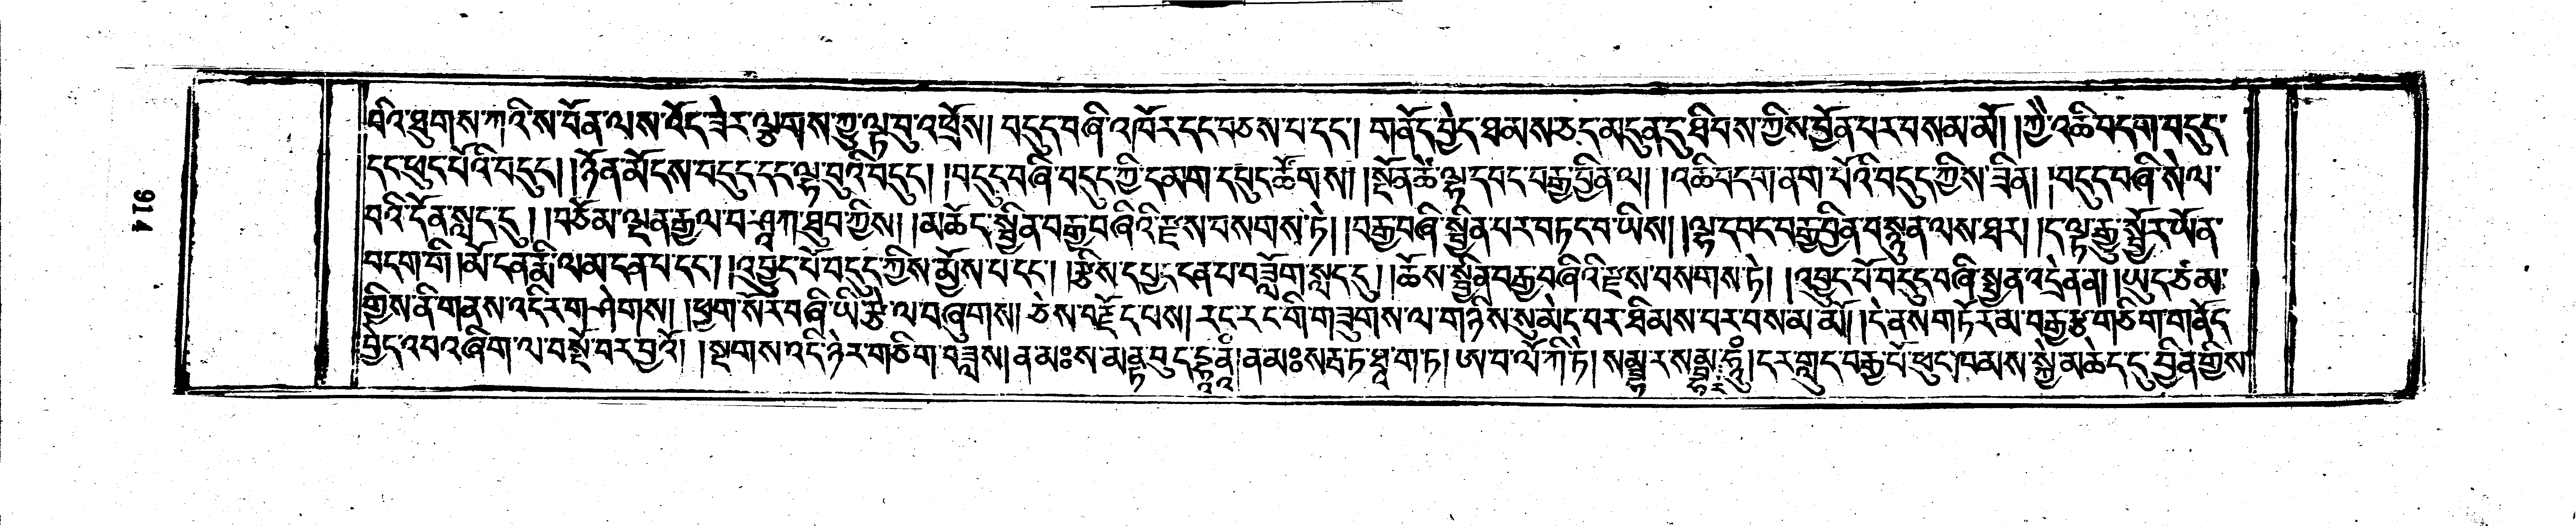བའི་ཐུགས་ཀའི་ས་བོན་ལས་འོད་ཟེར་ལྕགས་ཀྱུ་ལྟ་བུ་འཕྲོས། བདུད་བཞི་འཁོར་དང་བཅས་པ་དང་། གནོད་བྱེད་ཐམས་ཅད་མདུན་དུ་ཐིབས་ཀྱིས་བྱོན་པར་བསམ་མོ། །ཀྱཻ་འཆི་བདག་བདུད་
དང་ཕུང་པོའི་བདུད། །ཉོན་མོངས་བདུད་དང་ལྷ་བུའི་བདུད། །བདུད་བཞི་བདུད་ཀྱི་དམག་དཔུང་ཚོགས། །སྔོན་ཚེ་ལྷ་དབང་བརྒྱ་བྱིན་ལ། །འཆི་བདག་ནག་པོའི་བདུད་ཀྱིས་ཟིན། །བདུད་བཞི་སེལ་
བའི་དོན་སླད་དུ། །བཅོམ་ལྡན་རྒྱལ་བ་ཤཱཀ་ཐུབ་ཀྱིས། །མཆོད་སྦྱིན་བརྒྱ་བཞིའི་རྫས་བསགས་ཏེ། །བརྒྱ་བཞི་སྦྱིན་པར་བཏང་བ་ཡིས། །ལྷ་དབང་བརྒྱ་བྱིན་བསྙུན་ལས་ཐར། །ད་ལྟ་རྒྱུ་སྦྱོར་ཡོན་
བདག་གི །མོ་ངན་རྨི་ལམ་ངན་པ་དང་། །འབྱུང་པོ་བདུད་ཀྱིས་མོས་པ་དང་། །རྩིས་དཔྱད་ངན་པ་བཟློག་སླད་དུ། །ཆོས་སྦྱིན་བརྒྱ་བཞིའི་རྫས་བསགས་ཏེ། །འབྱུང་པོ་བདུད་བཞི་སྤྱན་འདྲེན་ན། །ཡུད་ཙམ་
གྱིས་ནི་གནས་འདིར་གཤེགས། །ཕྱག་སེར་བཞི་ཡི་རྩ་ལ་བཞུགས། ཅེས་བརྗོད་པས། རང་རང་གི་གཟུགས་ལ་གཉིས་སུ་མེད་པར་ཐིམས་པར་བསམ་མོ། །དེ་ནས་གཏོར་མ་བརྒྱ་རྩ་གཅིག་གནོད་
བྱེད་འབའ་ཞིག་ལ་བསྔོ་བར་བྱའོ། །སྔགས་འདི་ཉེར་གཅིག་བཟླས། ན་མཿ ས་མནྟ་བུད་དྷཱ་ནཱཾ། ན་མཿ སརྦ་ཏ་ཐཱ་ག་ཏ། ཨ་བ་ལོ་ཀི་ཏེ། སམྦྷ་ར་སམྦྷ་ཧཱུཾ། ངར་གླུད་བརྒྱ་པོ་ཕུང་ཁམས་སྐྱེ་མཆེད་དུ་བྱིན་གྱིས་